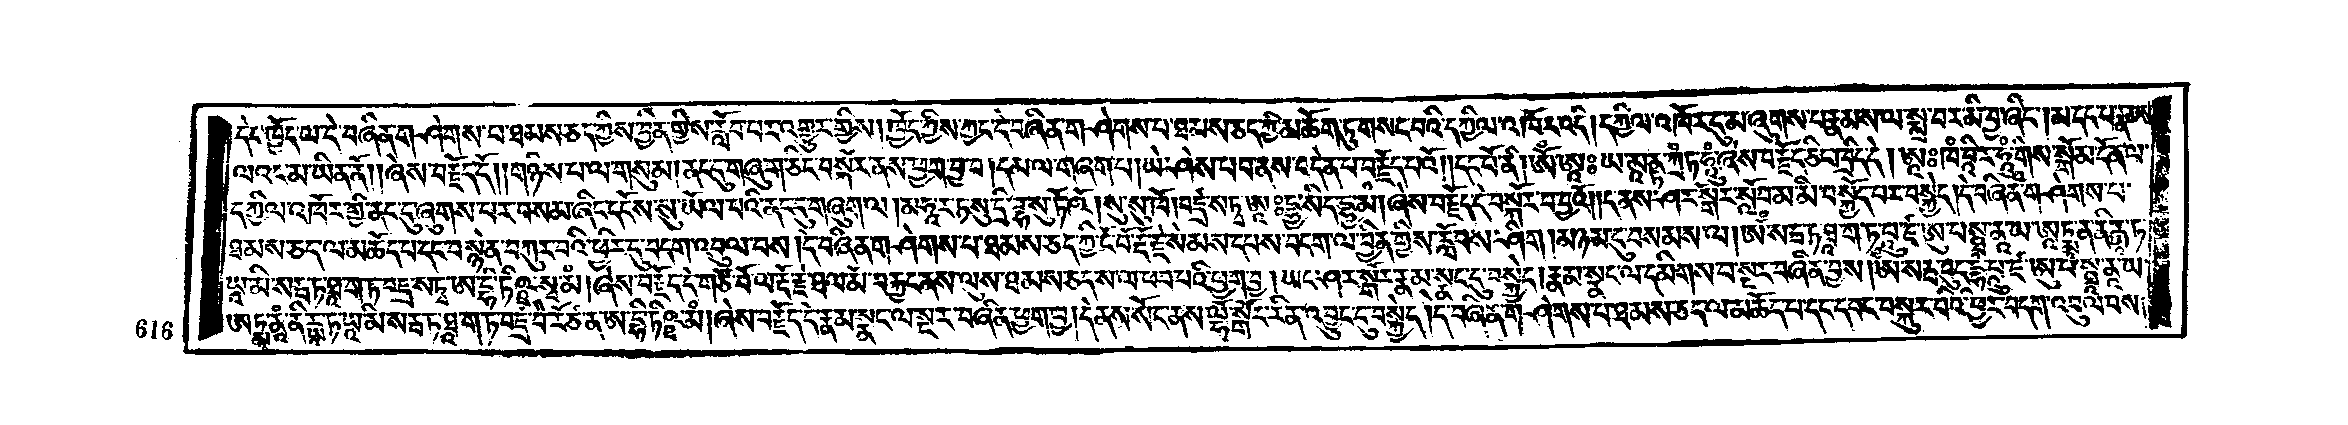དེང་ཁྱོད་ལ་དེ་བཞིན་གཤེགས་པ་ཐམས་ཅད་ཀྱིས་བྱིན་གྱིས་རློབ་པར་འགྱུར་གྱིས། ཁྱོད་ཀྱིས་ཀྱང་དེ་བཞིན་གཤེགས་པ་ཐམས་ཅད་ཀྱི་མཆོག་ཏུ་གསང་བའི་དཀྱིལ་འཁོར་འདི། དཀྱིལ་འཁོར་དུ་མ་ཞུགས་པ་རྣམས་ལ་སྨྲ་བར་མི་བྱ་ཞིང་། མ་དང་པ་རྣམས་
ལའང་མ་ཡིན་ནོ། །ཞེས་བརྗོད་དོ། །གཉིས་པ་ལ་གསུམ། ནང་དུ་གཞུག་ཅིང་བསྐོར་ནས་ཕྱག་བྱ་བ། དམ་ལ་གཞག་པ། ཡེ་ཤེས་ཕབ་ནས་བདེན་པ་བརྗོད་པའོ། །དང་པོ་ནི། ཨོཾ་ཨཱཿ ཡ་མཱནྟ་ཀྲི་ཏ་ཧཱུཾ་ཞེས་བརྗོད་ཅིང་ཁྲིད་དེ། ཨཱཿ ཁཾ་བཱི་ར་ཧཱུཾ་གིས་སྒོམ་དོན་ལ་
དཀྱིལ་འཁོར་གྱི་ནང་དུ་ཞུགས་པར་བསམ་ཞིང་དངོས་སུ་ཡོལ་པའི་ནང་དུ་གཞུག་ལ། མཧཱ་ར་ཏ་སུ་དྲི་ཌྷ་སུ་ཏོ་ཥོ། སུ་སུ་ཁོ། བཛྲ་སཏྭ་ཨཱཿ དྷྱ་སིད་དྷྱ་མཾ། ཞེས་བརྗོད་དེ་བསྐོར་བ་བྱའོ། །དེ་ནས་ཤར་སྒོར་སློབ་མ་མི་བསྐྱོད་པར་བསྐྱེད། དེ་བཞིན་གཤེགས་པ་
ཐམས་ཅད་ལ་མཆོད་པ་དང་བསྙེན་བཀུར་བའི་ཕྱིར་དུ་བདག་འབུལ་བས། དེ་བཞིན་གཤེགས་པ་ཐམས་ཅད་ཀྱི་ངོ་བོ་རྡོ་རྗེ་སེམས་དཔས་བདག་ལ་བྱིན་གྱིས་རློབས་ཤིག །མཉམ་དུ་བསམས་ལ། ཨོཾ་སརྦ་ཏ་ཐཱ་ག་ཏ་པཱུ་ཛ་ཨུ་པསྠ་ནཱ་ཡ་ཨཱ་ཏྨཱ་ན་ནི་རྱཱ་ཏ་
ཡཱ་མི་སརྦ་ཏ་ཐཱ་ག་ཏ་བཛྲ་སཏྭ་ཨ་དྷི་ཏི་ཥཊཿཨ་སྭ་མཾ། ཞེས་བརྗོད་དེ་གཙོ་བོ་ལ་རྡོ་རྗེ་ཐལ་མོ་བརྐྱང་ནས་ལུས་ཐམས་ཅད་ས་ལ་ཕབ་པའི་ཕྱག་བྱ། ཡང་ཤར་སྒོར་རྣམ་སྣང་དུ་བསྐྱེད། རྣམ་སྣང་ལ་དམིགས་པ་སྔར་བཞིན་བྱས། ཨོཾ་སརྦ་བུད་དྷཾ་པཱུ་ཛ་ཨུ་པཾ་སྠཱ་ནཱ་ཡ་
ཨཏྨཱ་ནཱཾ་ནི་རྱཱ་ཏ་ཡཱ་མི་སརྦ་ཏ་ཐཱ་ག་ཏ་བཛྲ་བཻ་རོ་ཙ་ན་ཨ་དྷི་ཏི་ཥཊཿཨ་མཾ། ཞེས་བརྗོད་དེ་རྣམ་སྣང་ལ་སྔར་བཞིན་ཕྱག་བྱ། དེ་ནས་སོང་ནས་ལྷོ་སྒོར་རིན་འབྱུང་དུ་བསྐྱེད། དེ་བཞིན་གཤེགས་པ་ཐམས་ཅད་ལ་མཆོད་པ་དང་དབང་བསྐུར་བའི་ཕྱིར་བདག་འབུལ་བས།